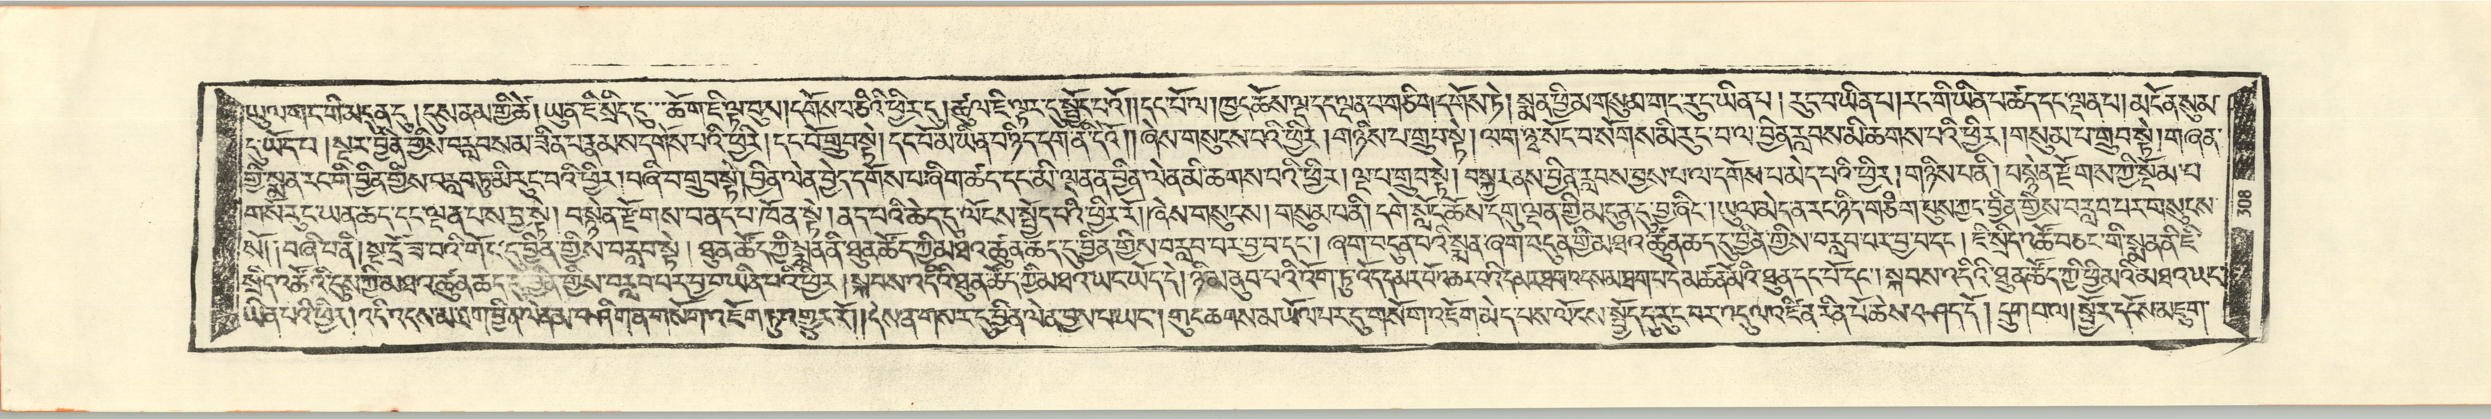ཡུལ་གང་གི་མདུན་དུ། དུས་ནམ་གྱི་ཚེ། ཡུན་ཇི་སྲིད་དུ་ཆོ་ག་ཇི་ལྟ་བུས། དགོས་པ་ཅིའི་ཕྱིར་དུ། ཚུལ་ཇི་ལྟར་དུ་སྤྱོད་པའོ། །དང་པོ་ལ། ཁྱད་ཆོས་ལྔ་དང་ལྡན་པ་གཅིག་དགོས་ཏེ། སྨན་ཕྱི་མ་གསུམ་གང་རུང་ཡིན་པ། རུང་བ་ཡིན་པ། རང་གི་ཡིན་པ་ཚད་དང་ལྡན་པ། མངོན་སུམ་
དུ་ཡོད་པ། སྔར་བྱིན་གྱིས་བརླབས་མ་ཟིན་པ་རྣམས་དགོས་པའི་ཕྱིར། དང་པོ་གྲུབ་སྟེ། དང་པོ་མ་ཡིན་པ་ཉིད་དག་ནི་དེའོ། །ཞེས་གསུངས་པའི་ཕྱིར། གཉིས་པ་གྲུབ་སྟེ། ལག་ཉྭ་སོང་བ་སོགས་མི་རུང་བ་ལ་བྱིན་རླབས་མི་ཆགས་པའི་ཕྱིར། གསུམ་པ་གྲུབ་སྟེ། གཞན་
གྱི་སྨན་རང་གི་བྱིན་གྱིས་བརླབ་ཏུ་མི་རུང་བའི་ཕྱིར། བཞི་བ་གྲུབ་སྟེ། བྱིན་ལེན་བྱེད་དགོས་པ་ཞིག་ཚད་དང་མི་ལྡན་ན་བྱིན་ལེན་མི་ཆགས་པའི་ཕྱིར། ལྔ་པ་གྲུབ་སྟེ། བསྐྱར་ནས་བྱིན་རླབས་བྱས་པ་ལ་དགོས་པ་མེད་པའི་ཕྱིར། གཉིས་པ་ནི། བསྙེན་རྫོགས་ཀྱི་སྡོམ་པ་
གསོ་རུང་ཡན་ཆད་དང་ལྡན་པས་བྱ་སྟེ། བསྙེན་རྫོགས་བ་ནད་པ་ཁོ་ན་སྟེ། ནད་པའི་ཆེད་དུ་ལོངས་སྤྱོད་པའི་ཕྱིར་རོ། །ཞེས་གསུངས། གསུམ་པ་ནི། དགེ་སློང་ཆོས་དགུ་ལྡན་གྱི་མདུན་དུ་བྱ་ཞིང་། ཡུལ་མེད་ན་རང་ཉིད་གཅིག་པུས་ཀྱང་བྱིན་གྱིས་བརླབ་པར་གསུངས་
སོ༑ ༑བཞི་པ་ནི། སྔ་དྲོ་ཟ་བའི་གོང་དུ་བྱིན་གྱིས་བརླབ་སྟེ། ཐུན་ཚོད་ཀྱི་སྨན་ནི་ཐུན་ཚོད་ཀྱི་མཐའ་ཚུན་ཆད་དུ་བྱིན་གྱིས་བརླབ་པར་བྱ་བ་དང་། ཞག་བདུན་པའི་སྨན་ཞག་བདུན་གྱི་མཐའ་ཚུན་ཆད་དུ་བྱིན་གྱིས་བརླབ་པར་བྱ་བ་དང་། ཇི་སྲིད་འཚོ་བཅང་གི་སྨན་ནི་ཇི་
སྲིད་འཚོའི་དུས་ཀྱི་མཐའ་ཚུན་ཆད་དུ་བྱིན་གྱིས་བརླབ་པར་བྱ་བ་ཡིན་པའི་ཕྱིར། སྐབས་འདིའི་ཐུན་ཚོད་ཀྱི་མཐའ་ཡང་ཡོད་དེ། ཉི་མ་ནུབ་པའི་འོག་ཏུ་འོད་དམར་པོ་འཆར་བའི་དམར་ཐག་འདས་མ་ཐག་པ་དེ་མཚན་མོའི་ཐུན་དང་པོ་དང་། སྐབས་འདིའི་ཐུན་ཚོད་ཀྱི་ཕྱི་མའི་མཐའ་ཡང་
ཡིན་པའི་ཕྱིར། འདི་འདས་མ་ཐག་བྱིན་ལེན་མ་བཤིག་ན་གསོག་འཇོག་ཏུ་འགྱུར་རོ། །དེས་ན་གསར་དུ་བྱིན་ལེན་བྱས་པ་ཡང་། གུང་ཆགས་མ་ཡོལ་པར་དུ་གསོག་འཇོག་མེད་པས་ལོངས་སྤྱོད་དུ་རུང་བར་འདུལ་འཛིན་རིན་པོ་ཆེས་བཤད་དོ། དྲུག་པ་ལ། སྦྱོར་དངོས་མཇུག་